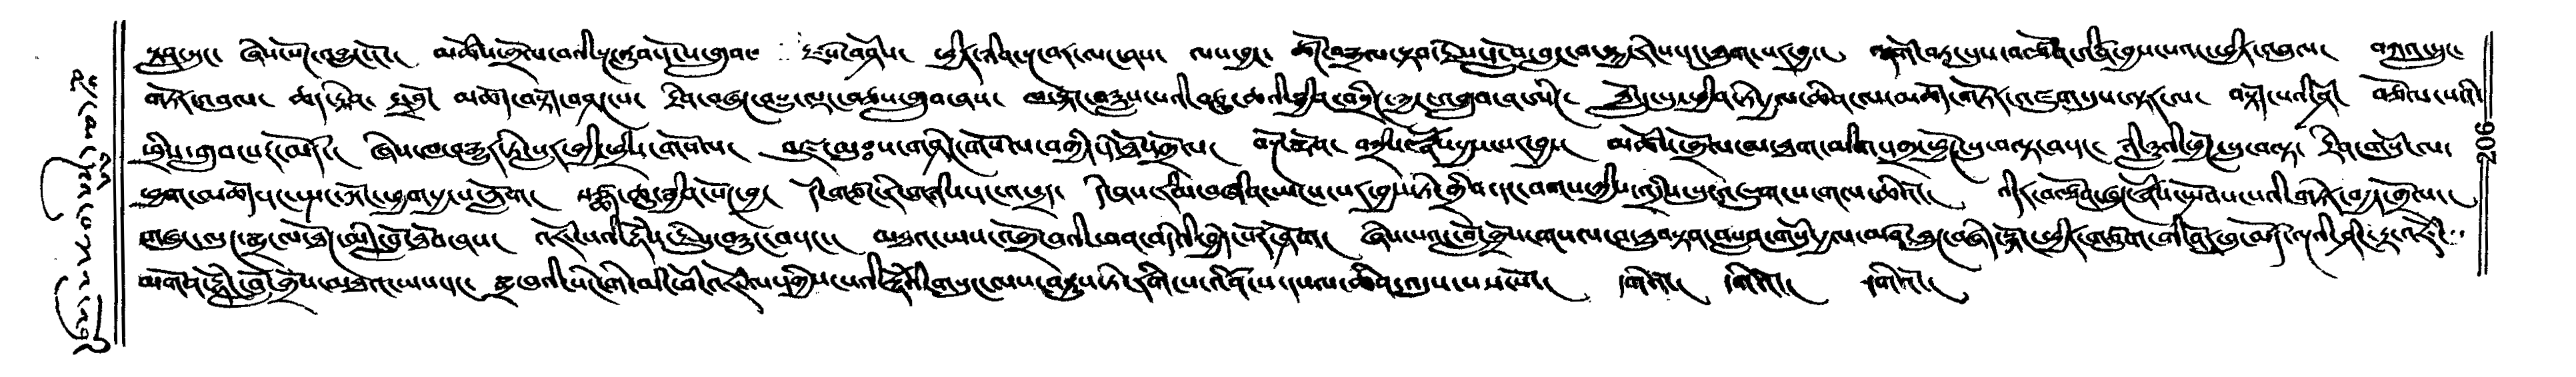༢༠༦༽ སྟན་སྲུང་། ཞེས་སོགས་འབྱུང་ངོ་། མཚམས་གྲོལ་བའི་སྔ་ནུབ་དངོས་གྲུབ་ཀྱི་རྫས་བཤམས། ཕྱིར་ཉིན་སྔ་བར་ལངས་ནས། ལས་བྱང་། ཚོགས་བསྒྲལ་བསྟབ་རྗེས་དངོས་གྲུབ་བླང་བ་སྐྱ་རེངས་དང་ཐུག་པར་བྱ། ལྷག་མ་གཏོང་དུས་བརྩོན་འཛིན་བྱས་པའང་ཕྱིར་འབུལ། བཀའ་སྲུང་
གཏོར་འབུལ། ཆད་བརྟན། རྟ་བྲོ། མཆོད་བསྟོད། བཤགས་པ། རྟེན་བཞུགས་བསྡུ་ལྡང་བཅས་གྲུབ་ནས། ཁ་སྐོང་བཟླས་པའི་བཅུ་ཆའི་སྦྱིན་སྲེག་ཀྱང་འགྲུབ་ན་ལེགས། ཐོ་དྲུང་དུ་ཕྱིན་ཏེ་རྒྱལ་ཆེན་ལ་མཆོད་གཏོར་འཛུགས་དུས་ལྟར་ལ། བསྟོད་པའི་གཤམ། བཅོལ་པའི་
ཕྲིན་ལས་གྲུབ་པར་མཛོད༔ ཞེས་ཁ་བསྒྱུར་ཏེ་སླར་ཕྲིན་ལས་གསོལ། བཛྲ་མུཿ ས་གཤེགས་གསོལ་བགྱིད་དེ་ཐོ་འགྲོལ། བསྔོ་སྨོན་བཀྲ་ཤིས་རྣམས་རྒྱས་པར་བྱ། མཚམས་གྲོལ་མ་ཐག་མིག་དགྲ་ཕྱོགས་སུ་བལྟ་བ་དང་། ཉི་ཟླའི་ཕྱོགས་སུ་བལྟ། རྟེན་གསུམ་ལ་
ཕྱག་མཆོད་དང་སྤང་ཀོང་ཕྱག་རྒྱ་པ་བཀླག སཙྪ་ཆུ་སྦྱིན་སོགས་བྱ། དམ་གཙང་རེ་གཉིས་དང་འཕྲད། དེ་ནས་རིམ་བཞིན་ཡངས་པར་བྱས་ཏེ་གྲིབ་དང་བགས་ཀྱིས་འདྲིས་སུ་འཇུག་པ་གལ་ཆེའོ།། འདིར་བརྩོན་ཞུགས་རྣམས་སྤོབས་པའི་གཏེར་བརྒྱད་གྲོལ། །
གཞུང་ལུགས་སྨྲ་ལ་ཐོགས་མེད་བློ་ཐོབ་ནས། །འཇམ་པའི་རྡོ་རྗེས་རྗེས་སུ་བཟུང་བ་དང་། །མཐའ་ཡས་འགྲོ་བའི་ཕན་བདེའི་བྱེད་པོར་ཤོག ཅེས་པའང་བློ་གྲོས་གསལ་བ་ཐུབ་བསྟན་བསླབ་གསུམ་རྒྱལ་མཚན་གྱི་ཐུགས་བཞེད་སྐོང་ཕྱིར་གཙུག་གི་ནོར་བུ་མཛོད་ལྔའི་ཤིང་རྟ་འཇམ་
མགོན་རྡོ་རྗེ་བློ་གྲོས་མཐའ་ཡས་དང་། སྨྲ་བའི་སེང་གེ་མི་ཕམ་འཇམ་དཔལ་དགྱེས་པའི་རྡོ་རྗེའི་གསུང་ལས་བཏུས་ཏེ་རིག་པ་འཛིན་པ་དཔལ་ཆེན་འདུས་པས་སོ།། དགེའོ།།